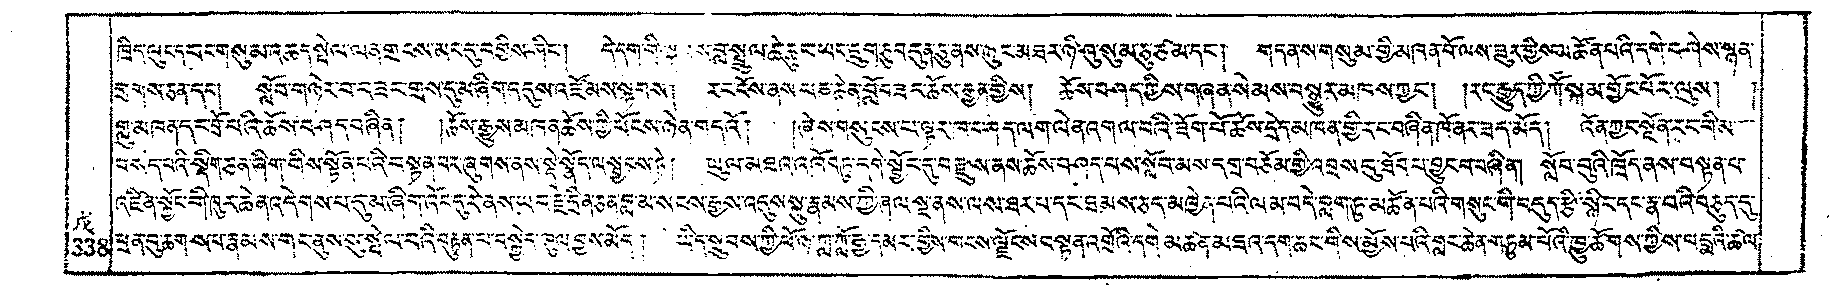ཁྲིད་ལུང་དབང་གསུམ་འཆད་སྤེལ་ལན་གྲངས་མང་དུ་བགྱིས་ཤིང་། དེ་དག་གི་སྐབས་བླ་སྤྲུལ་ཆེ་ཆུང་ཡང་དྲུག་ཅུ་བདུན་ཅུ་ནས་ཉུང་མཐར་ཉི་ཤུ་སུམ་ཅུ་ཙམ་དང་། གདན་ས་གསུམ་གྱི་མཁན་པོ་ལས་ཟུར་གྱིས་མཚོན་པའི་དགེ་བཤེས་སྙན་
གྲགས་ཅན་དང་། སློབ་གཉེར་བ་བཟང་གྲས་དུ་མ་ཞིག་འདུས་འཛོམས་སྟབས། རང་ངོས་ནས་པཎ་ཆེན་བློ་བཟང་ཆོས་རྒྱན་གྱིས། ཆོས་བཤད་ཀྱིས་གཞན་སེམས་བསྒྱུར་མཁས་ཀྱང་། །རང་རྒྱུད་ཀྱི་ཀོ་སྐམ་གྱོང་པོར་ལུས། །
གླུ་མཁན་དང་བྲོ་པའི་ཆོས་བཤད་བཞིན། །ཆོས་རྒྱུས་མཁན་ཆོས་ཀྱི་ཕོངས་ཉེན་གདའོ། །ཞེས་གསུངས་པ་ལྟར་ཁ་བཤད་ལག་ལེན་འགལ་བའི་ཟོག་པོ་ཆོས་དྲེད་མཁན་གྱི་རང་བཞིན་ཁོ་ནར་ཟད་མོད། འོན་ཀྱང་སྔོན་རང་གི་མ་
བསད་པའི་སྡིག་ཅན་ཞིག་གིས་སྟོན་པའི་བསྟན་པར་ཞུགས་ནས་སྡེ་སྣོད་ལ་སྦྱངས་ཏེ། ཡུལ་མཐའ་འཁོབ་ཏུ་དགེ་སྦྱོང་དུ་བརྫུས་ནས་ཆོས་བཤད་པས་སློབ་མས་དགྲ་བཅོམ་གྱི་འབྲས་བུ་ཐོབ་པ་བྱུང་བ་བཞིན། སློབ་བུའི་ཁྲོད་ནས་བསྟན་པ་
འཛིན་སྐྱོང་གི་ཁུར་ཆེན་འདེགས་པ་དུ་མ་ཞིག་འོང་དུ་རེ་ནས་ཡབ་རྗེ་དྲིན་ཅན་བླ་མ་སངས་རྒྱས་འདུས་སྐུ་རྣམས་ཀྱི་ཞལ་སྔ་ནས་ལས་ཐར་པ་དང་ཐམས་ཅད་མཁྱེན་པའི་ལམ་བདེ་བླག་ཏུ་མཚོན་པའི་གསུང་གི་བདུད་རྩི་སྙིང་དང་རྣ་བའི་བཅུད་དུ་
ཕྲན་བུ་ཆགས་པ་རྣམས་གང་ནུས་སུ་སྤེལ་བའི་བརྟུན་པ་བསྐྱེད་ཁུལ་བྱས་མོད། ཡིད་སྲུབས་ཀྱི་ཕོ་ཉ་ཀླ་ཀློ་རྒྱ་དམར་གྱིས་གངས་ལྗོངས་བསྟན་འགྲོའི་དགེ་མཚན་མཐའ་དག་ཆང་གིས་མྱོས་པའི་གླང་ཆེན་གཏུམ་པོའི་ཁྱུ་ཚོགས་ཀྱིས་པདམའི་ཚལ་